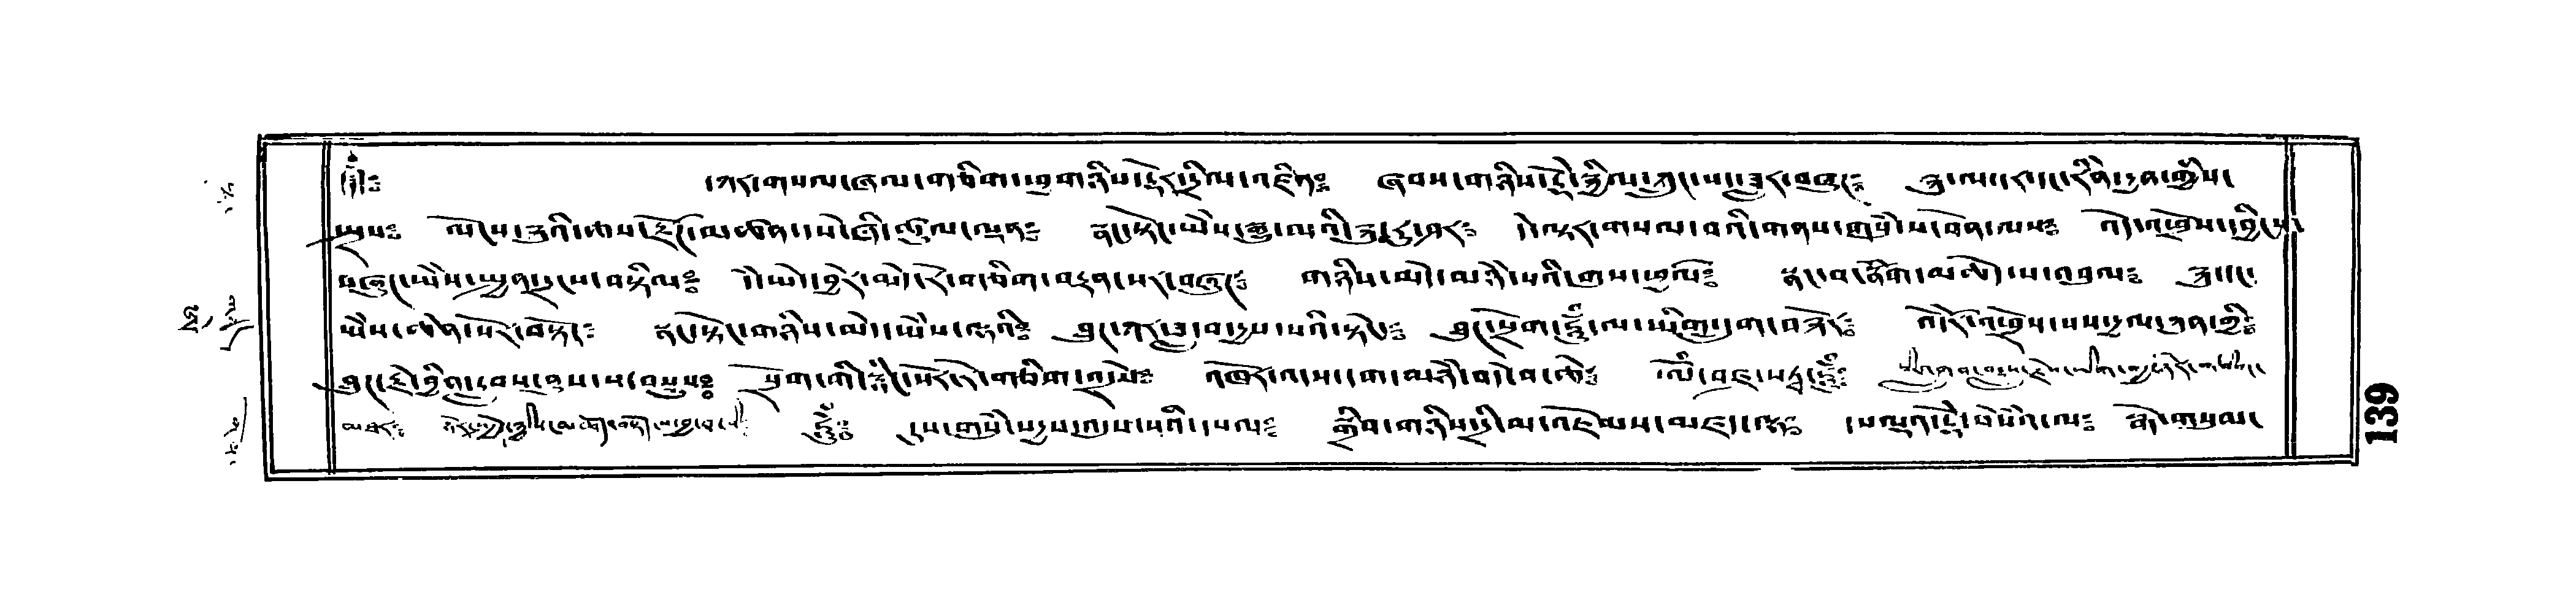དཀར་གསལ་ཞལ་གཅིག་ཕྱག་གཉིས་རྡོར་དྲིལ་འཛིན༔ ཞབས་གཉིས་རྡོ་རྗེ་སྐྱིལ་ཀྲུང་པད་ཟླར་བཞུགས༔ སྐུ་ལ་དར་དང་རིན་ཆེན་རྒྱན་གྱིས་
སྤྲས༔ ལོངས་སྐུའི་ཆས་རྫོགས་མཚན་དཔེ་ཞི་ཚུལ་ལྡན༔ སྣང་སྟོང་ཡེ་ཤེས་སྒྱུ་མའི་སྐུ་རུ་ཤར༔ དེ་ལྟར་གསལ་བའི་གནས་གསུམ་ས་བོན་ལས༔ འོད་འཕྲོས་དབྱིངས་
བཞུགས་ཡེ་ཤེས་སྤྱན་དྲངས་བསྟིམ༔ དམ་ཡེད་དབྱེར་མེད་རོ་གཅིག་བརྟན་པར་བཞུགས༔ གཉིས་མེད་མཉམ་པའི་གུས་ཕྱག་འཚལ༔ སྣང་བ་སྣ་ཚོགས་མཆོད་པ་འབུལ༔ སྐུ་དང་
ཡེ་ཤེས་ཆེན་པོར་བསྟོད༔ སྣང་སྟོང་གཉིས་མེད་ཡེ་ཤེས་ལྷའི༔ ཐུགས་ཀར་ཟླ་བ་རྒྱས་པའི་སྟེང༔ ཐུགས་སྲོག་ཧཱུྃ་ལ་ཡིག་དྲུག་བསྐོར༔ འོད་ཟེར་འཕྲོས་པས་རྒྱལ་ཀུན་གྱི༔ 
ཐུགས་རྗེ་བྱིན་རླབས་ནུས་པ་བསྡུས༔ སྲོག་གི་སྙིང་པོར་རོ་གཅིག་འདྲེས༔ འཁོར་འདས་དག་མཉམ་བདེ་བ་ཆེ༔ ཨོཾ་བཛྲ་ས་ཏྭ་ཧཱུྃ༔ ཅི་འགྲུབ་བཟླས་རྗེས་ཡིག་བརྒྱ་ཉེར་གཅིག་
མཐར༔ ཉེར་སྤྱོད་ཀྱིས་མཆོད་བསྟོད་པ་བྱ་བ་ནི༔ ཧཱུྃ༔ དུས་གསུམ་སངས་རྒྱས་འདུས་པའི་དཔལ༔ སྒྲིབ་གཉིས་དྲི་མ་འཇོམས་མཛད་ལྷ༔ དཔལ་ལྡན་རྡོ་རྗེ་སེམས་དཔའ་ལ༔ སྒོ་གསུམ་